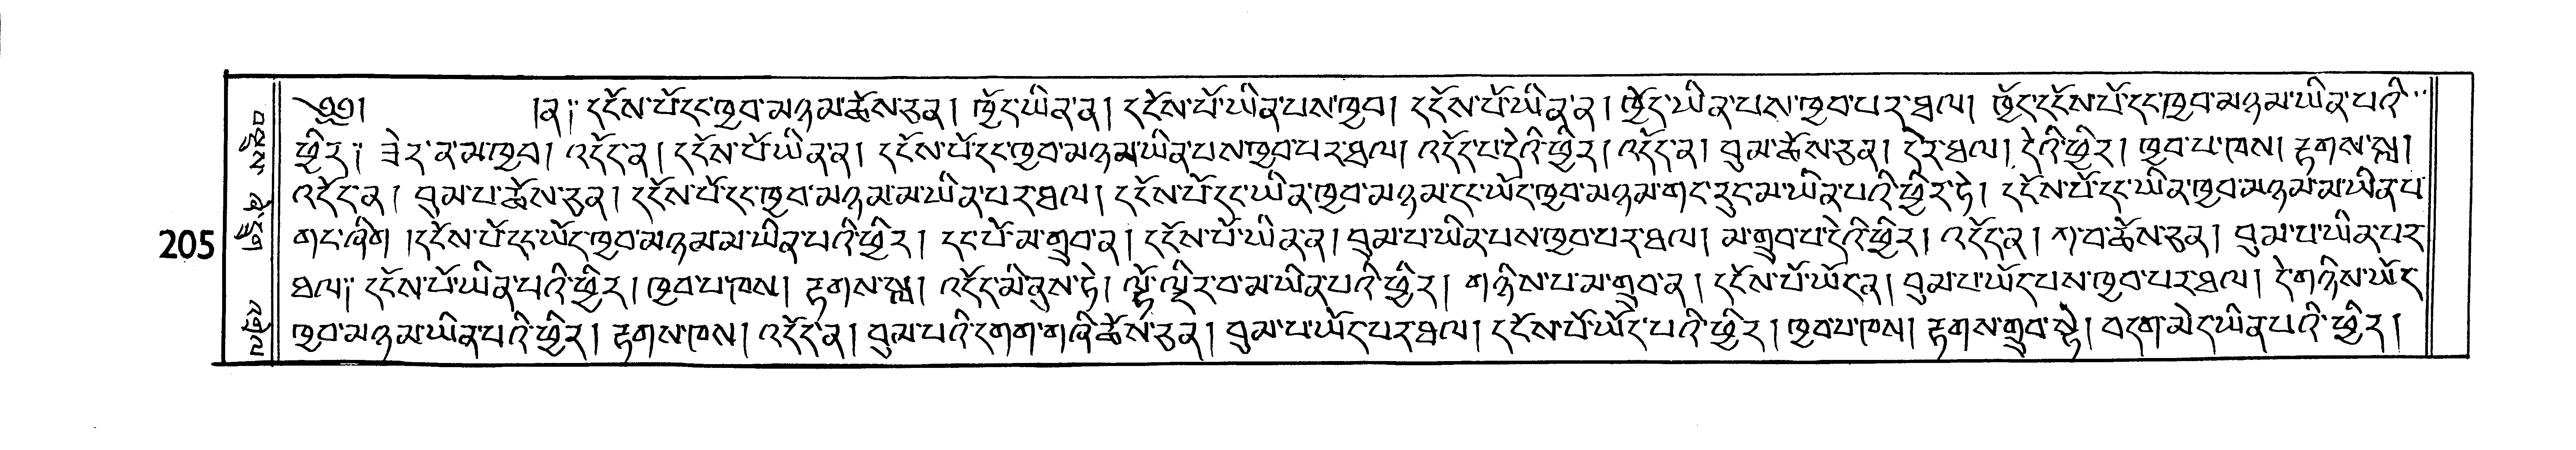༄༅། །ན༑ དངོས་པོ་དང་ཁྱབ་མཉམ་ཆོས་ཅན། ཁྱོད་ཡིན་ན། དངོས་པོ་ཡིན་པས་ཁྱབ། དངོས་པོ་ཡིན་ན། ཁྱོད་ཡིན་པས་ཁྱབ་པར་ཐལ། ཁྱོད་དངོས་པོ་དང་ཁྱབ་མཉམ་ཡིན་པའི་
ཕྱིར༑ ཟེར་ན་མ་ཁྱབ། འདོད་ན། དངོས་པོ་ཡིན་ན། དངོས་པོ་དང་ཁྱབ་མཉམ་ཡིན་པས་ཁྱབ་པར་ཐལ། འདོད་པ་དེའི་ཕྱིར། འདོད་ན། བུམ་ཆོས་ཅན། དེར་ཐལ། དེའི་ཕྱིར། ཁྱབ་པ་ཁས། རྟགས་སླ།
འདོད་ན། བུམ་པ་ཆོས་ཅན། དངོས་པོ་དང་ཁྱབ་མཉམ་མ་ཡིན་པར་ཐལ། དངོས་པོ་དང་ཡིན་ཁྱབ་མཉམ་དང་ཡོད་ཁྱབ་མཉམ་གང་རུང་མ་ཡིན་པའི་ཕྱིར་ཏེ། དངོས་པོ་དང་ཡིན་ཁྱབ་མཉམ་མ་ཡིན་པ་
གང་ཞིག །དངོས་པོ་དང་ཡོད་ཁྱབ་མཉམ་མ་ཡིན་པའི་ཕྱིར། དང་པོ་མ་གྲུབ་ན། དངོས་པོ་ཡིན་ན། བུམ་པ་ཡིན་པས་ཁྱབ་པར་ཐལ། མ་གྲུབ་པ་དེའི་ཕྱིར། འདོད་ན། ཀ་བ་ཆོས་ཅན། བུམ་པ་ཡིན་པར་
ཐལ༑ དངོས་པོ་ཡིན་པའི་ཕྱིར། ཁྱབ་པ་ཁས། རྟགས་སླ། འདོད་མི་ནུས་ཏེ། ལྷོ་ལྡིར་བ་མ་ཡིན་པའི་ཕྱིར། གཉིས་པ་མ་གྲུབ་ན། དངོས་པོ་ཡོད་ན། བུམ་པ་ཡོད་པས་ཁྱབ་པར་ཐལ། དེ་གཉིས་ཡོད་
ཁྱབ་མཉམ་ཡིན་པའི་ཕྱིར། རྟགས་ཁས། འདོད་ན། བུམ་པའི་དགག་གཞི་ཆོས་ཅན། བུམ་པ་ཡོད་པར་ཐལ། དངོས་པོ་ཡོད་པའི་ཕྱིར། ཁྱབ་པ་ཁས། རྟགས་གྲུབ་སྟེ། བདག་མེད་ཡིན་པའི་ཕྱིར།